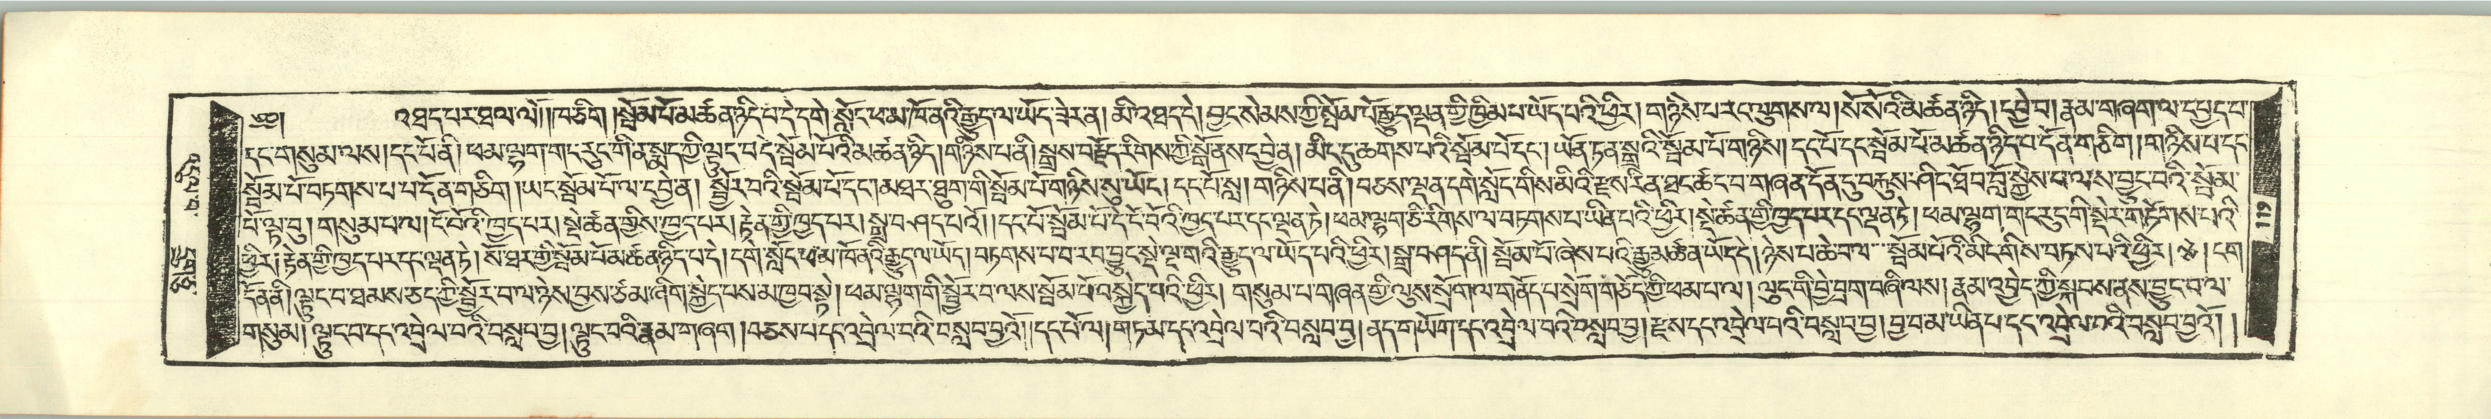༄༅། །འཐད་པར་ཐལ། ལོ། །ཁ་ཅིག །སྦོམ་པོ་མཚན་ཉིད་པ་དེ་དགེ་སློང་ཕ་མ་ཁོ་ནའི་རྒྱུད་ལ་ཡོད་ཟེར་ན། མི་འཐད་དེ། བྱང་སེམས་ཀྱི་སྤོམ་པོ་རྒྱུད་ལྡན་གྱི་ཁྱིམ་པ་ཡོད་པའི་ཕྱིར། གཉིས་པ་རང་ལུགས་ལ། སོ་སོའི་མཚན་ཉིད། དབྱེ་བ། རྣམ་གཞག་ལ་དཔྱད་པ་
དང་གསུམ་ལས། དང་པོ་ནི། ཕམ་ལྷག་གང་རུང་གི་ན་སྨད་ཀྱི་ལྟུང་བ་དེ་སྦོམ་པོའི་མཚན་ཉིད། གཉིས་པ་ནི། སྒྲས་བརྗོད་རིགས་ཀྱི་སྒོ་ནས་དབྱེ་ན། མིང་དུ་ཆགས་པའི་སྦོམ་པོ་དང་། ཡོན་ཏན་སྒྲའི་སྦོམ་པོ་གཉིས། དང་པོ་དང་སྦོམ་པོ་མཚན་ཉིད་པ་དོན་གཅིག །གཉིས་པ་དང་
སྦོམ་པོ་བཏགས་པ་པ་དོན་གཅིག །ཡང་སྦོམ་པོ་ལ་དབྱེ་ན། སྦྱོར་བའི་སྦོམ་པོ་དང་། མཐར་ཐུག་གི་སྦོམ་པོ་གཉིས་སུ་ཡོད། དང་པོ་སླ། གཉིས་པ་ནི། བཅས་ལྡན་དགེ་སློང་གིས་མིའི་རྫས་རིན་ཐང་ཚང་བ་གཞན་དོན་དུ་བརྐུས་ཤིང་ཐོབ་བློ་སྐྱེས་པ་ལས་བྱུང་བའི་སྦོམ་
པོ་ལྟ་བུ། གསུམ་པ་ལ། ངོ་བོའི་ཁྱད་པར། སྡེ་ཚན་གྱིས་ཁྱད་པར། རྟེན་གྱི་ཁྱད་པར། སྒྲ་བཤད་པའོ། །དང་པོ་སྦོམ་པོ་དེ་ངོ་བོའི་ཁྱད་པར་དང་ལྡན་ཏེ། ཕམ་ལྷག་ཅི་རིགས་ལ་བཏགས་པ་ཡིན་པའི་ཕྱིར། སྡེ་ཚན་གྱི་ཁྱད་པར་དང་ལྡན་ཏེ། ཕམ་ལྷག་གང་རུང་གི་སྡེར་གཏོགས་པའི་
ཕྱིར༑ རྟེན་གྱི་ཁྱད་པར་དང་ལྡན་ཏེ། སོ་ཐར་གྱི་སྦོམ་པོ་མཚན་ཉིད་པ་དེ། དགེ་སློང་ཕ་མ་ཁོ་ནའི་རྒྱུད་ལ་ཡོད། བཏགས་པ་བ་རབ་བྱུང་སྡེ་ལྔ་གའི་རྒྱུད་ལ་ཡོད་པའི་ཕྱིར། སྒྲ་བཤད་ནི། སྦོམ་པོ་ཞེས་པའི་རྒྱུ་མཚན་ཡོད་དེ། ཉེས་པ་ཆེ་བ་ལ་སྦོམ་པོའི་མིང་གིས་བཏས་པའི་ཕྱིར། །ངག་
དོན་ནི། ལྟུང་བ་ཐམས་ཅད་ཀྱི་སྦྱོར་བ་ལ་ཉེས་བྱས་ཙམ་ཞིག་སྐྱེད་པས་མ་ཁྱབ་སྟེ། ཕམ་ལྷག་གི་སྦྱོར་བ་ལས་སྦོམ་པོ་བསྐྱེད་པའི་ཕྱིར། གསུམ་པ་གཞན་གྱི་ལུས་སྲོག་ལ་གནོད་པ་སྲོག་གཅོད་ཀྱི་ཕམ་པ་ལ། ལུང་གི་བྱེ་བྲག་བཞི་ལས། རྣམ་འབྱེད་ཀྱི་སྐབས་ནས་བྱུང་བ་ལ་
གསུམ། ལྟུང་བ་དང་འབྲེལ་བའི་བསླབ་བྱ། ལྟུང་བའི་རྣམ་གཞག །བཅས་པ་དང་འབྲེལ་བའི་བསླབ་བྱའི། །དང་པོ་ལ། གཏམ་དང་འབྲེལ་པའི་བསླབ་བྱ། ནད་གཡོག་དང་འབྲེལ་བའི་བསླབ་བྱ། རྫས་དང་འབྲེལ་བའི་བསླབ་བྱ། བྱ་བ་མ་ཡིན་པ་དང་འབྲེལ་བའི་བསླབ་བྱའོ། །